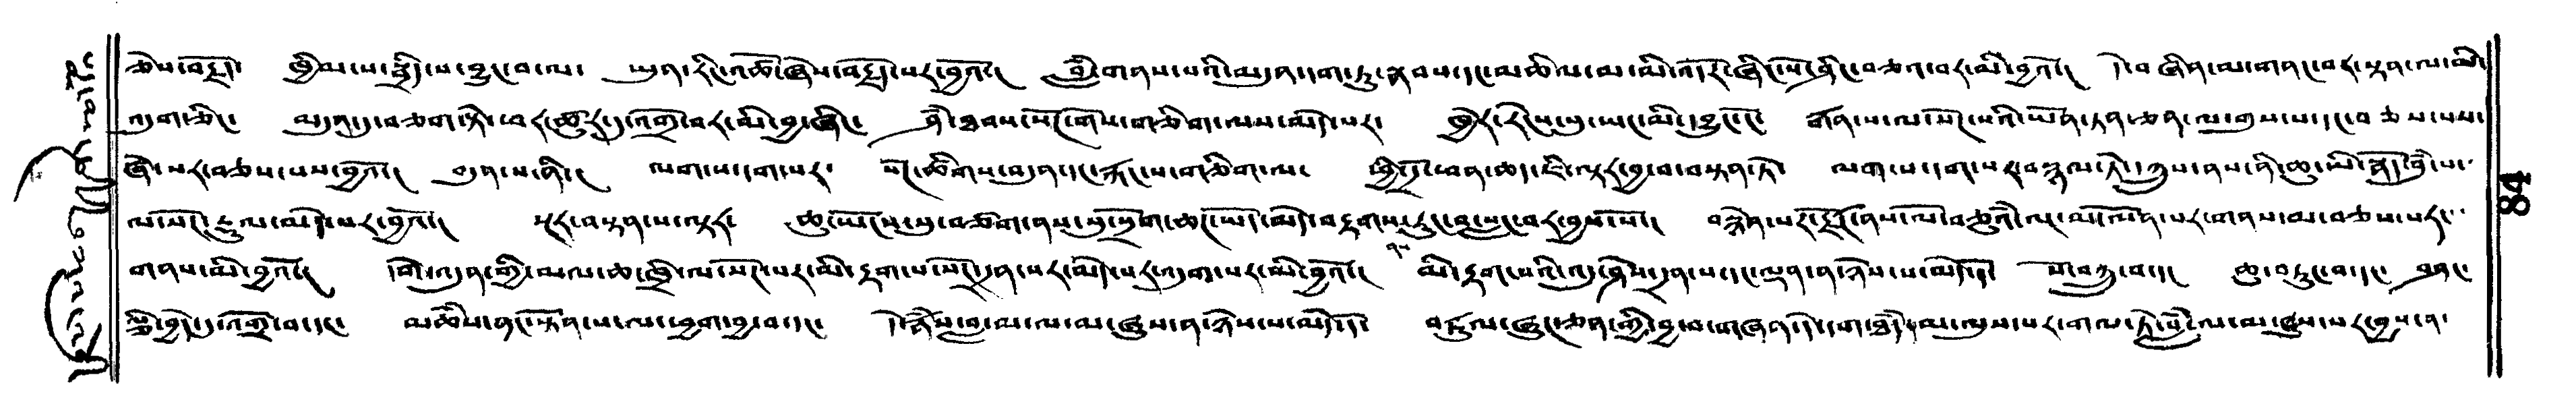ཅེས་བརྗོད། ཁྱིམ་པ་སྦྲིད་པ་བྱུང་བ་ལ། ཡུན་རིང་འཚོ་ཞེས་བརྗོད་པར་བྱའོ། བླ་མ་གནས་པའི་མདུན་དག་ཏུ་སྣབས་དང་མཆིལ་མ་མི་འདོར་ཞིང་སོ་ཤིང་བཅའ་བར་མི་བྱའོ། དེ་བཞིན་མ་གནང་བར་སྟན་ལ་མི་
འདུག་ཅིང་། མདུན་དུ་བཅགས་ཏེ་ཕར་ཚུར་དུ་འགྲོ་བར་མི་བྱ་ཞིང་། ཤམ་ཐབས་སོགས་གོས་གཅིག་ལས་མེད་པར། ཁྱེར་རེངས་སུ་ཡང་མི་དབྱུང་ངོ་། རྒན་པ་ལ་སོགས་པའི་ཡོན་ཏན་ཅན་ལ་གུས་པ་དང་བཅས་པས་
ཞེ་སར་བཅས་པ་བྱའོ། བདུན་པ་ནི། ལག་པ་དག་པར༴ སོགས་ཚིགས་བཅད་བདུན་དང་རྐང་པ་གཅིག་གིས་ཕྱི་དྲོ་ཕན་ཆད་ཇི་ལྟར་བྱ་བ་བསྟན་ཏེ། ལག་པ་དག་པར་བསྙལ་ཏེ་དཀྲུས་ནས་ནི་ཆུ་ཡི་སྣོད་བུམ་པ་
ལ་སོགས་རྡུལ་མེད་པར་བྱའོ། སྔར་བསྟན་པ་ལྟར། ཆུ་ཡོངས་སུ་བཙགས་ནས་སུ་སྲོག་ཆགས་ཡོད་མེད་བརྟགས་ནས་རུང་བ་བླང་བར་བྱའོ། བསྙེན་པར་རྫོགས་ནས་ལོ་བཅུའམ་ལྔ་མ་ལོན་པར་གནས་མ་བཅས་པར་
གནས་པར་མི་བྱའོ། དགེ་འདུན་གྱི་མལ་ཆ་ཁྲི་ལ་སོགས་པར་མི་རྟག་པ་སོགས་དྲན་པ་མེད་པར་འདུག་པར་མི་བྱའོ།མི་རྟག་པའི་འདུ་ཤེས་དྲན་པ་དང་ལྡན་ན་ཉེས་པ་མེད་དོ། སོ་བཀྲུ་བ་དང་། ཆུ་བཏུང་བ་དང་། བཤང་
ལྕི་བྱེད་དུ་འགྲོ་བ་དང་། མཚམས་ནང་སྟོན་པ་ལ་ཕྱག་བྱ་བ་སྟེ། དེ་རྣམས་བླ་མ་ལ་མ་ཞུས་ན་ཉེས་པ་མེད་དོ། བརྟུལ་ཞུགས་ཅན་གྱིས་བྱ་བ་གཞན་ཐམས་ཅད་གལ་ཏེ་བླ་མ་ལ་མ་ཞུས་པར་བྱས་ན་